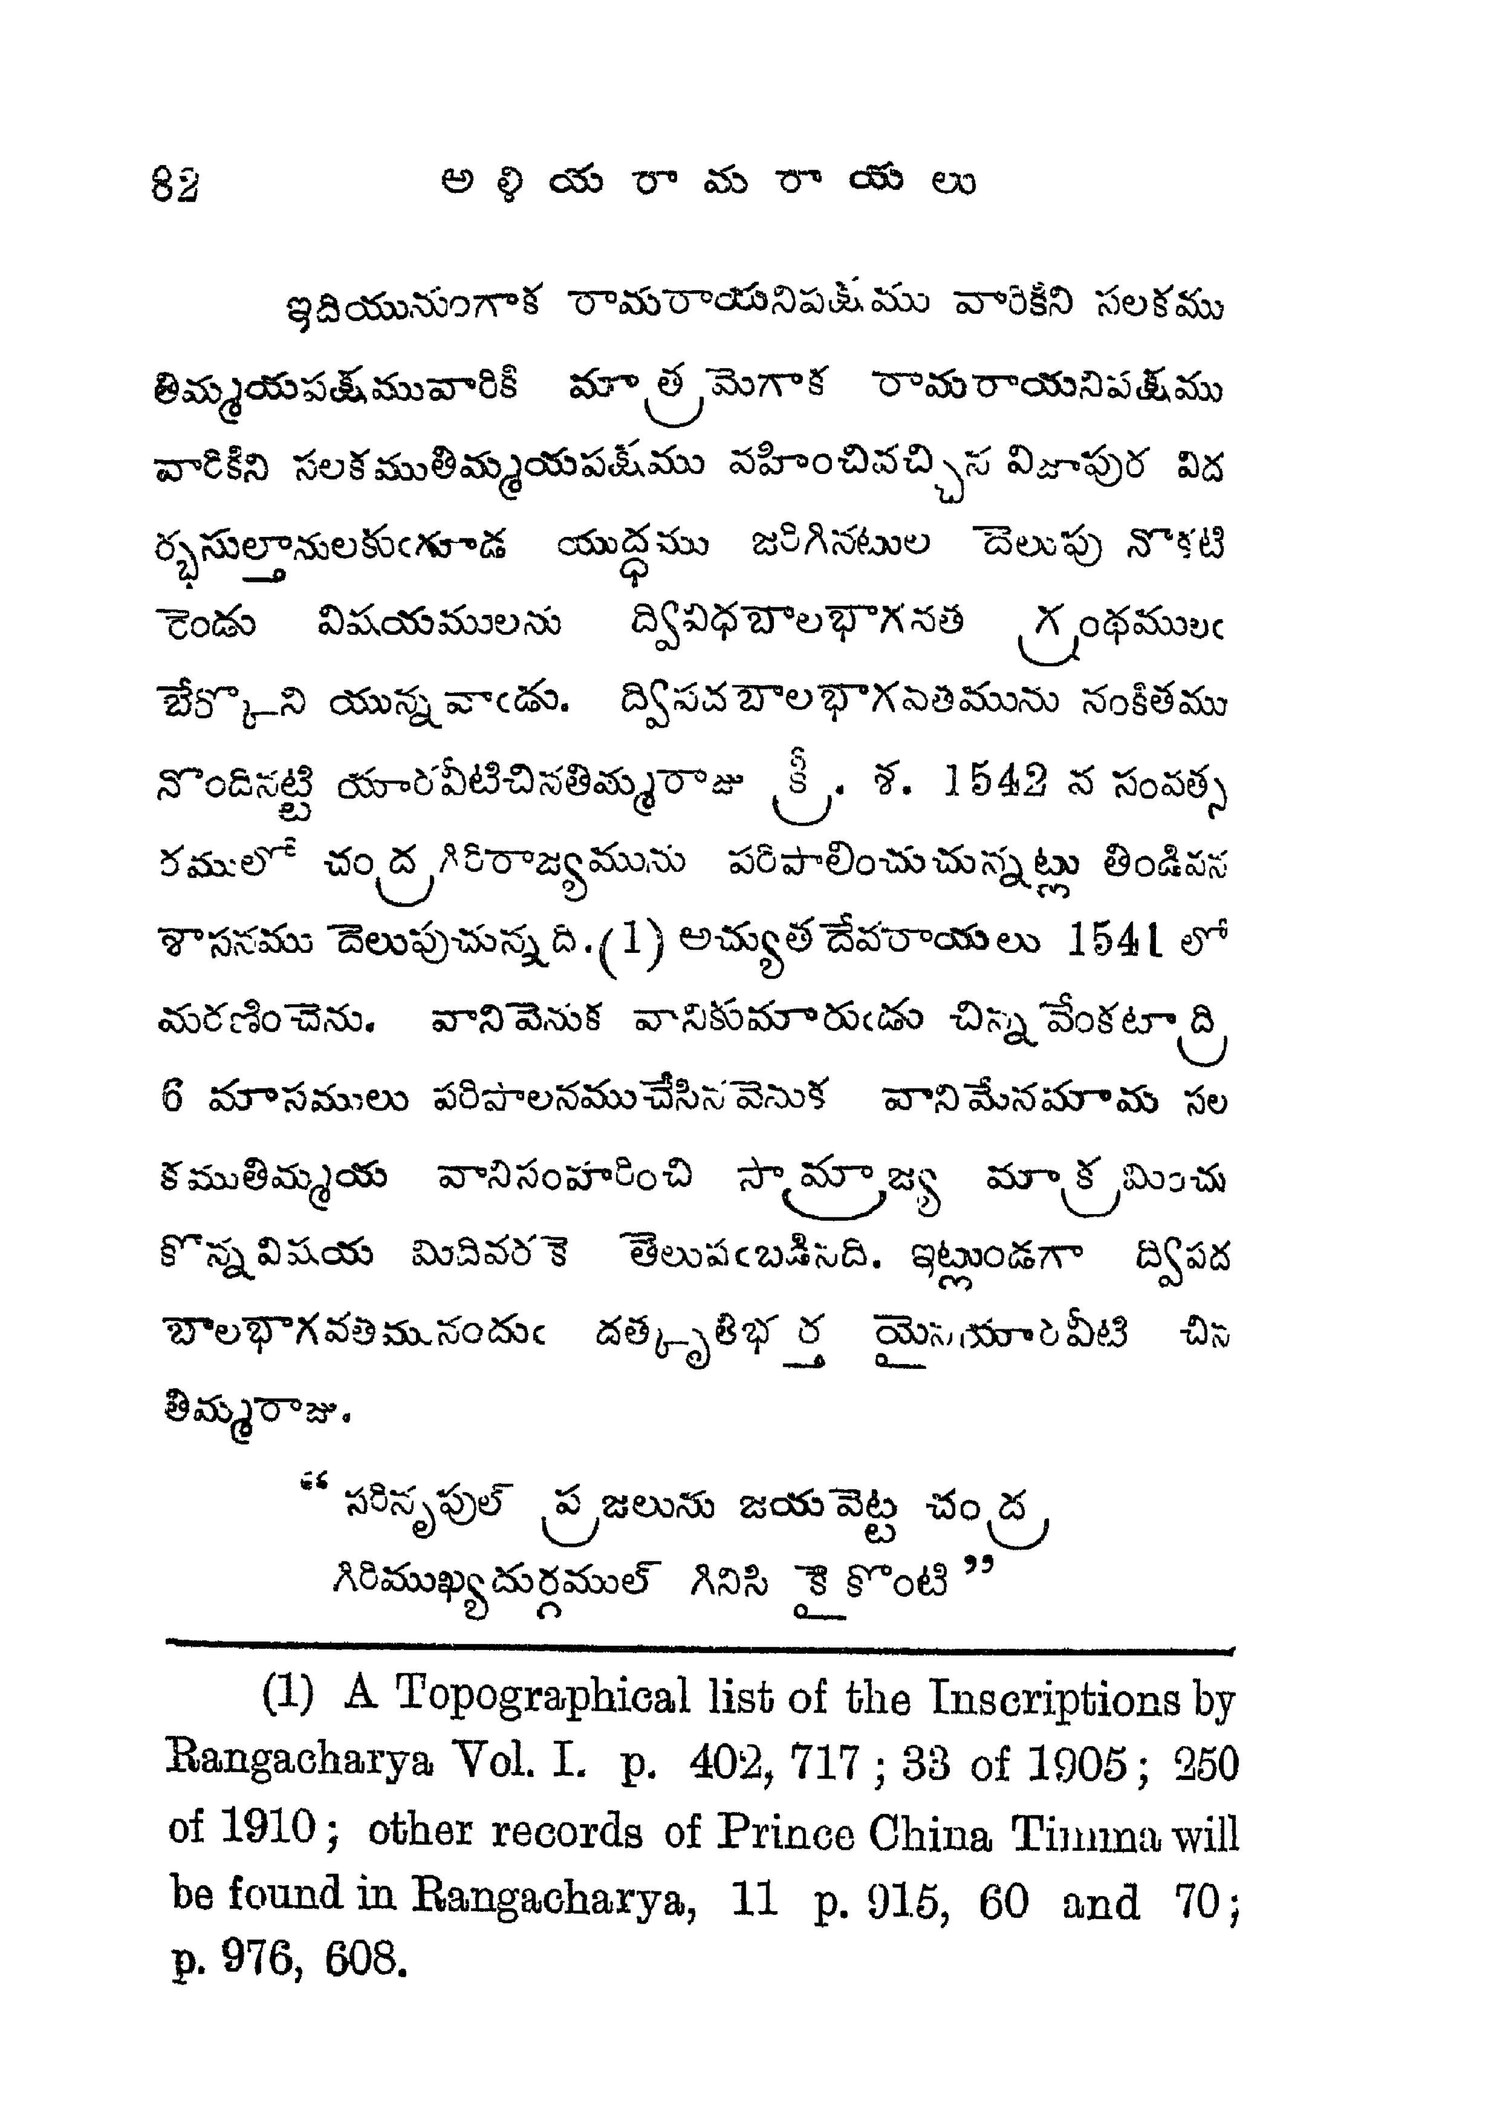ఇదియునుంగాక రామరాయనిపక్షము వారికిని సలకముతిమ్మయపక్షమువారికి మాత్రమెగాక రామరాయనిపక్షమువారికిని సలకముతిమ్మయపక్షము వహించివచ్చిన విజాపుర విదర్భసుల్తానులకు గూడ యుద్ధము జరిగినటుల దెలుపు నొకటి రెండు విషయములను ద్విపదబాలభాగవత గ్రంథముల బేర్కొని యున్నవాడు. ద్విపదబాలభాగవతమును నంకితము నొందినట్టి యారవీటిచినతిమ్మరాజు క్రీ. శ. 1542 వ సంవత్సరములో చంద్రగిరిరాజ్యమును పరిపాలించుచున్నట్లు తిండివన శాసనము దెలుపుచున్నది. అచ్యుతదేవరాయలు 1541 లో మరణించెను. వానివెనుక వానికుమారుడు చిన్నవేంకటాద్రి 6 మాసములు పరిపాలనముచేసినవెనుక వానిమేనమామ సలకముతిమ్మయ వానిసంహరించి సామ్రాజ్య మాక్రమించుకొన్నవిషయ మిదివరకె తెలుపబడినది. ఇట్లుండగా ద్విపదబాలభాగవతమునందు దత్కృతిభర్త యైనయారవీటి చినతిమ్మరాజు.

 "సరినృపుల్ ప్రజలును జయవెట్ట చంద్ర
 గిరిముఖ్యదుర్గముల్ గినిసి కైకొంటి"